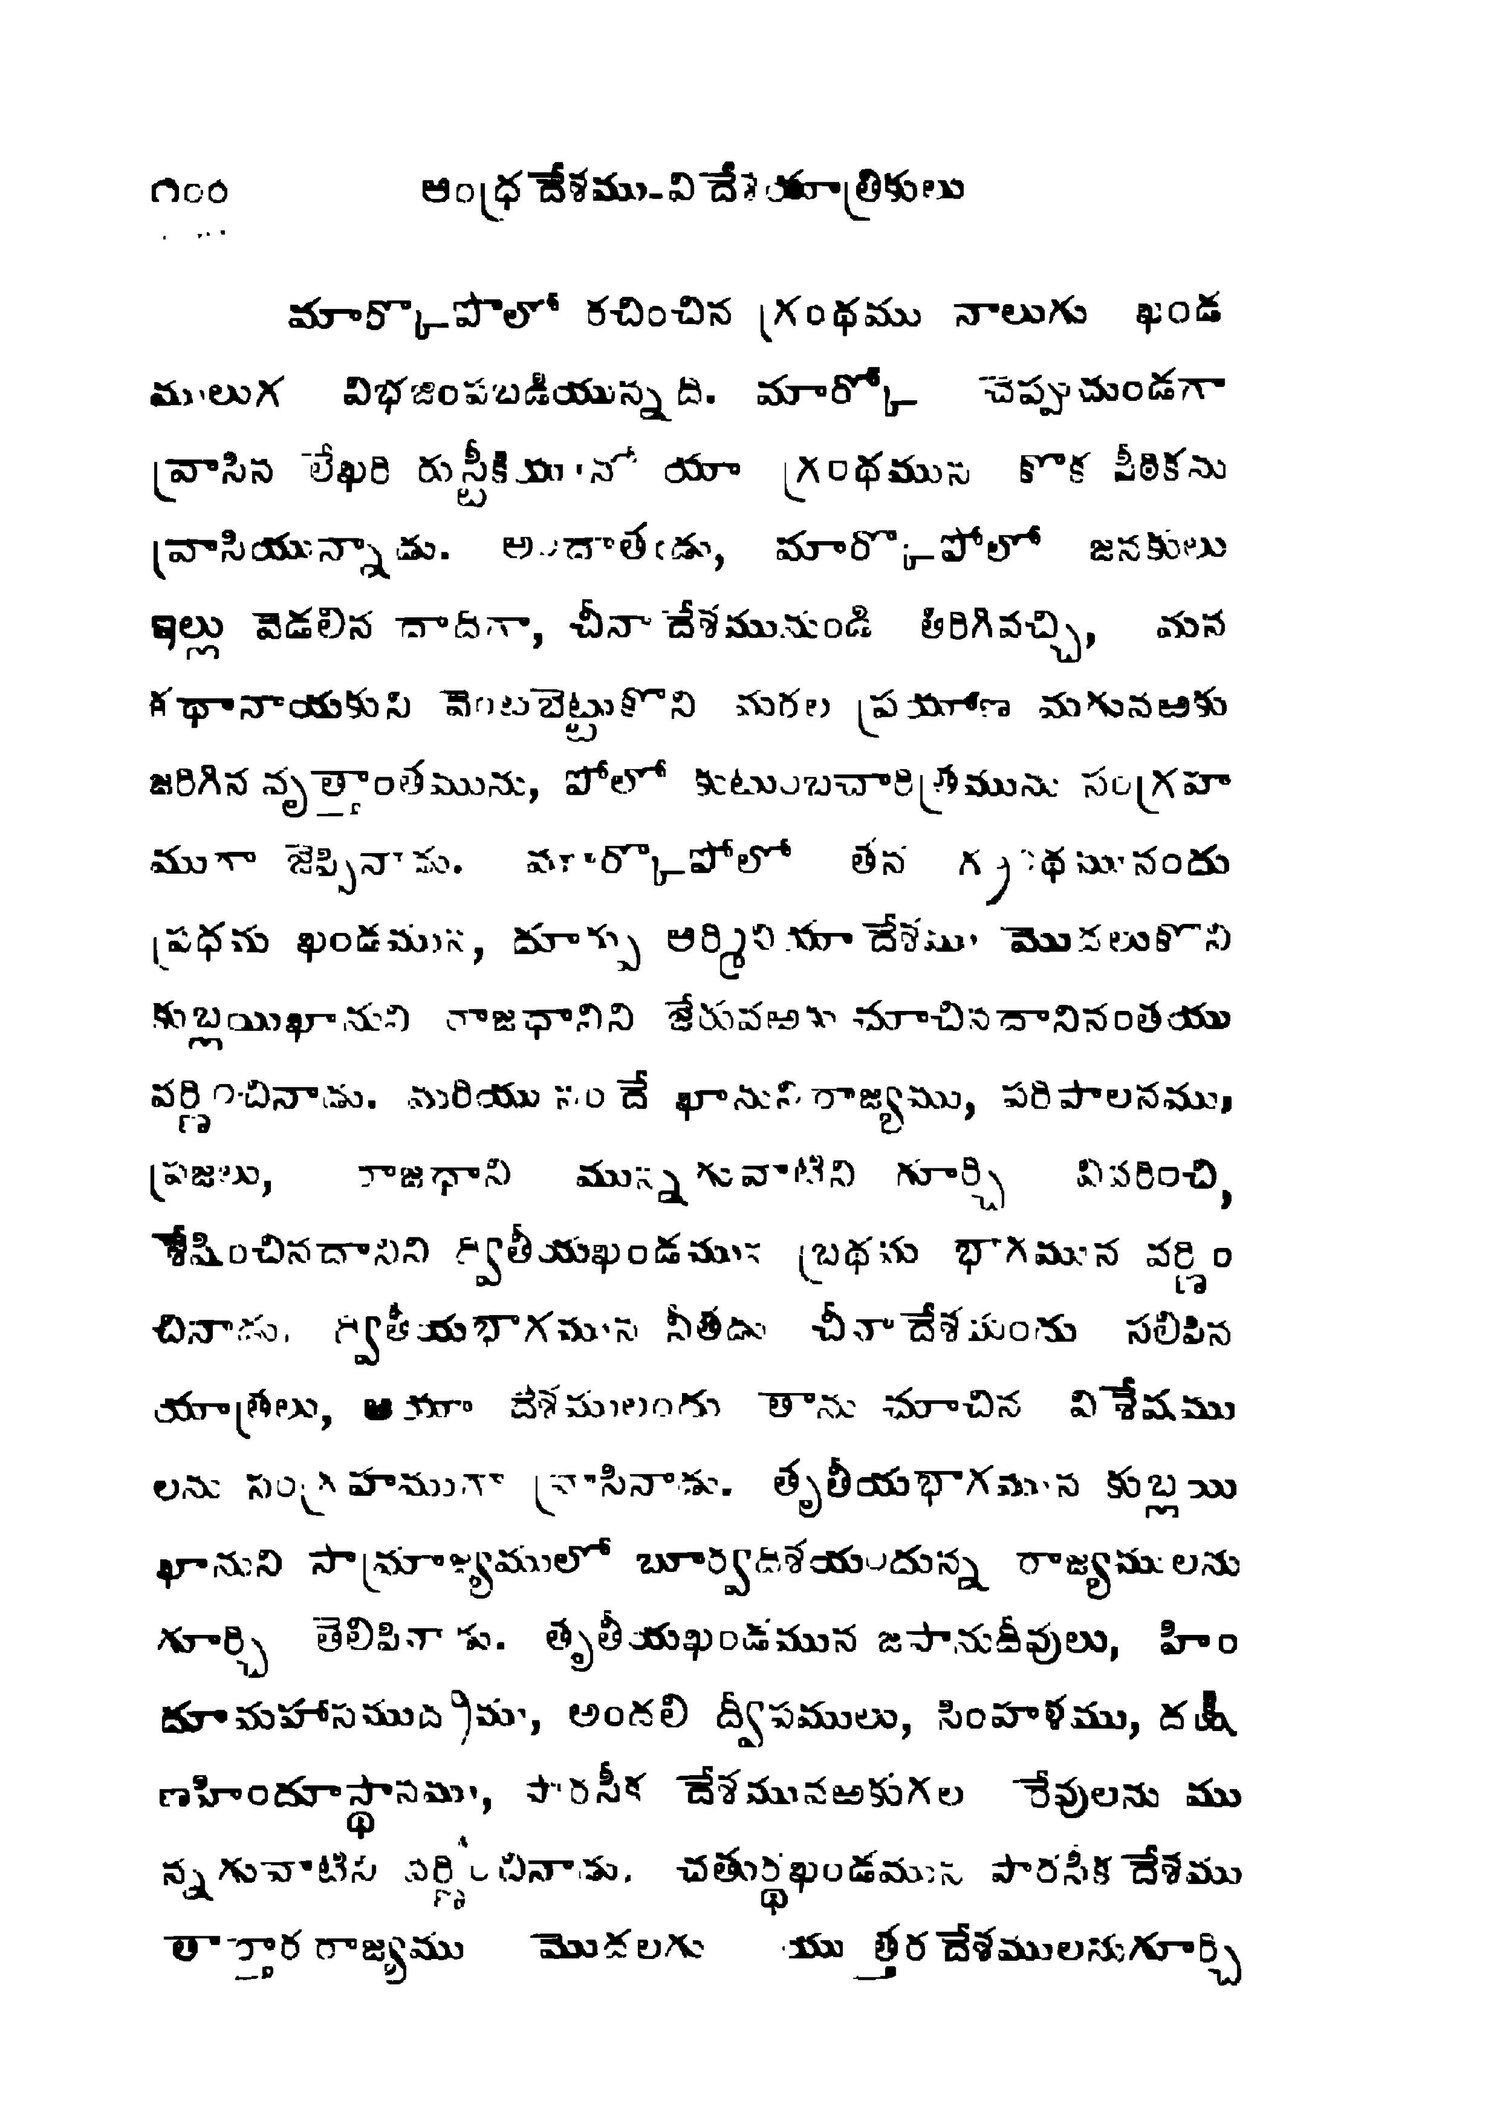మార్కొపొలో రచించిన గ్రంథము నాలుగు ఖండములుగ విభజింపబడియున్నది. మార్కో చెప్పుచుండగా వ్రాసిన లేఖరి రుస్టీకియునో యా గ్రంథమున కొక పీఠికను వ్రాసియున్నాడు. అందాతడు, మార్కొపోలో జనకులు ఇల్లు వెడలిన దాదిగా, చీనా దేశమునుండి తిరిగివచ్చి, మన కథానాయకుని వెంటబెట్టుకొని మరల ప్రయాణ మగువఱకు జరిగిన వృత్తాంతమును, పోలో కుటుంబ చారిత్రమును సంగ్రహముగా జెప్పినాడు. మార్కొపోలో తన గ్రంథమునందు ప్రధమ ఖండమున, దూర్పు ఆర్మినియాదేశము మొదలుకొని కుబ్లయిఖానుని రాజధానిని జేరువఱకు చూచినదానినంతయు వర్ణించినాడు. మరియు నందే ఖానునిరాజ్యము, పరిపాలనము, ప్రజలు, రాజధాని మున్నగువాటిని గూర్చి వివరించి, శేషించిన దానిని ద్వితీయ ఖండమున బ్రథమ భాగమున వర్ణించినాడు. ద్వితీయ భాగమున నీతడు చీనాదేశమందు సలిపిన యాత్రలు, ఆయా దేశములందు తాను చూచిన విశేషములను సంగ్రహముగా వ్రాసినాడు. తృతీయ భాగమున కుబ్లయిఖానుని సామ్రాజ్యములో బూర్వదిశయందున్న రాజ్యములను గూర్చి తెలిపినాడు. తృతీయ ఖండమున జపానుదీవులు, హిందూమహా సముద్రము, అందలి ద్వీపములు, సింహళము, దక్షిణ హిందూస్థానము, పారసీక దేశమువఱకు గల రేవులను మున్నగువాటిని వర్ణించినాడు. చతుర్థఖండమున పారసీకదేశము తార్తార రాజ్యము మొదలగు యుత్తర దేశములనుగూర్చి